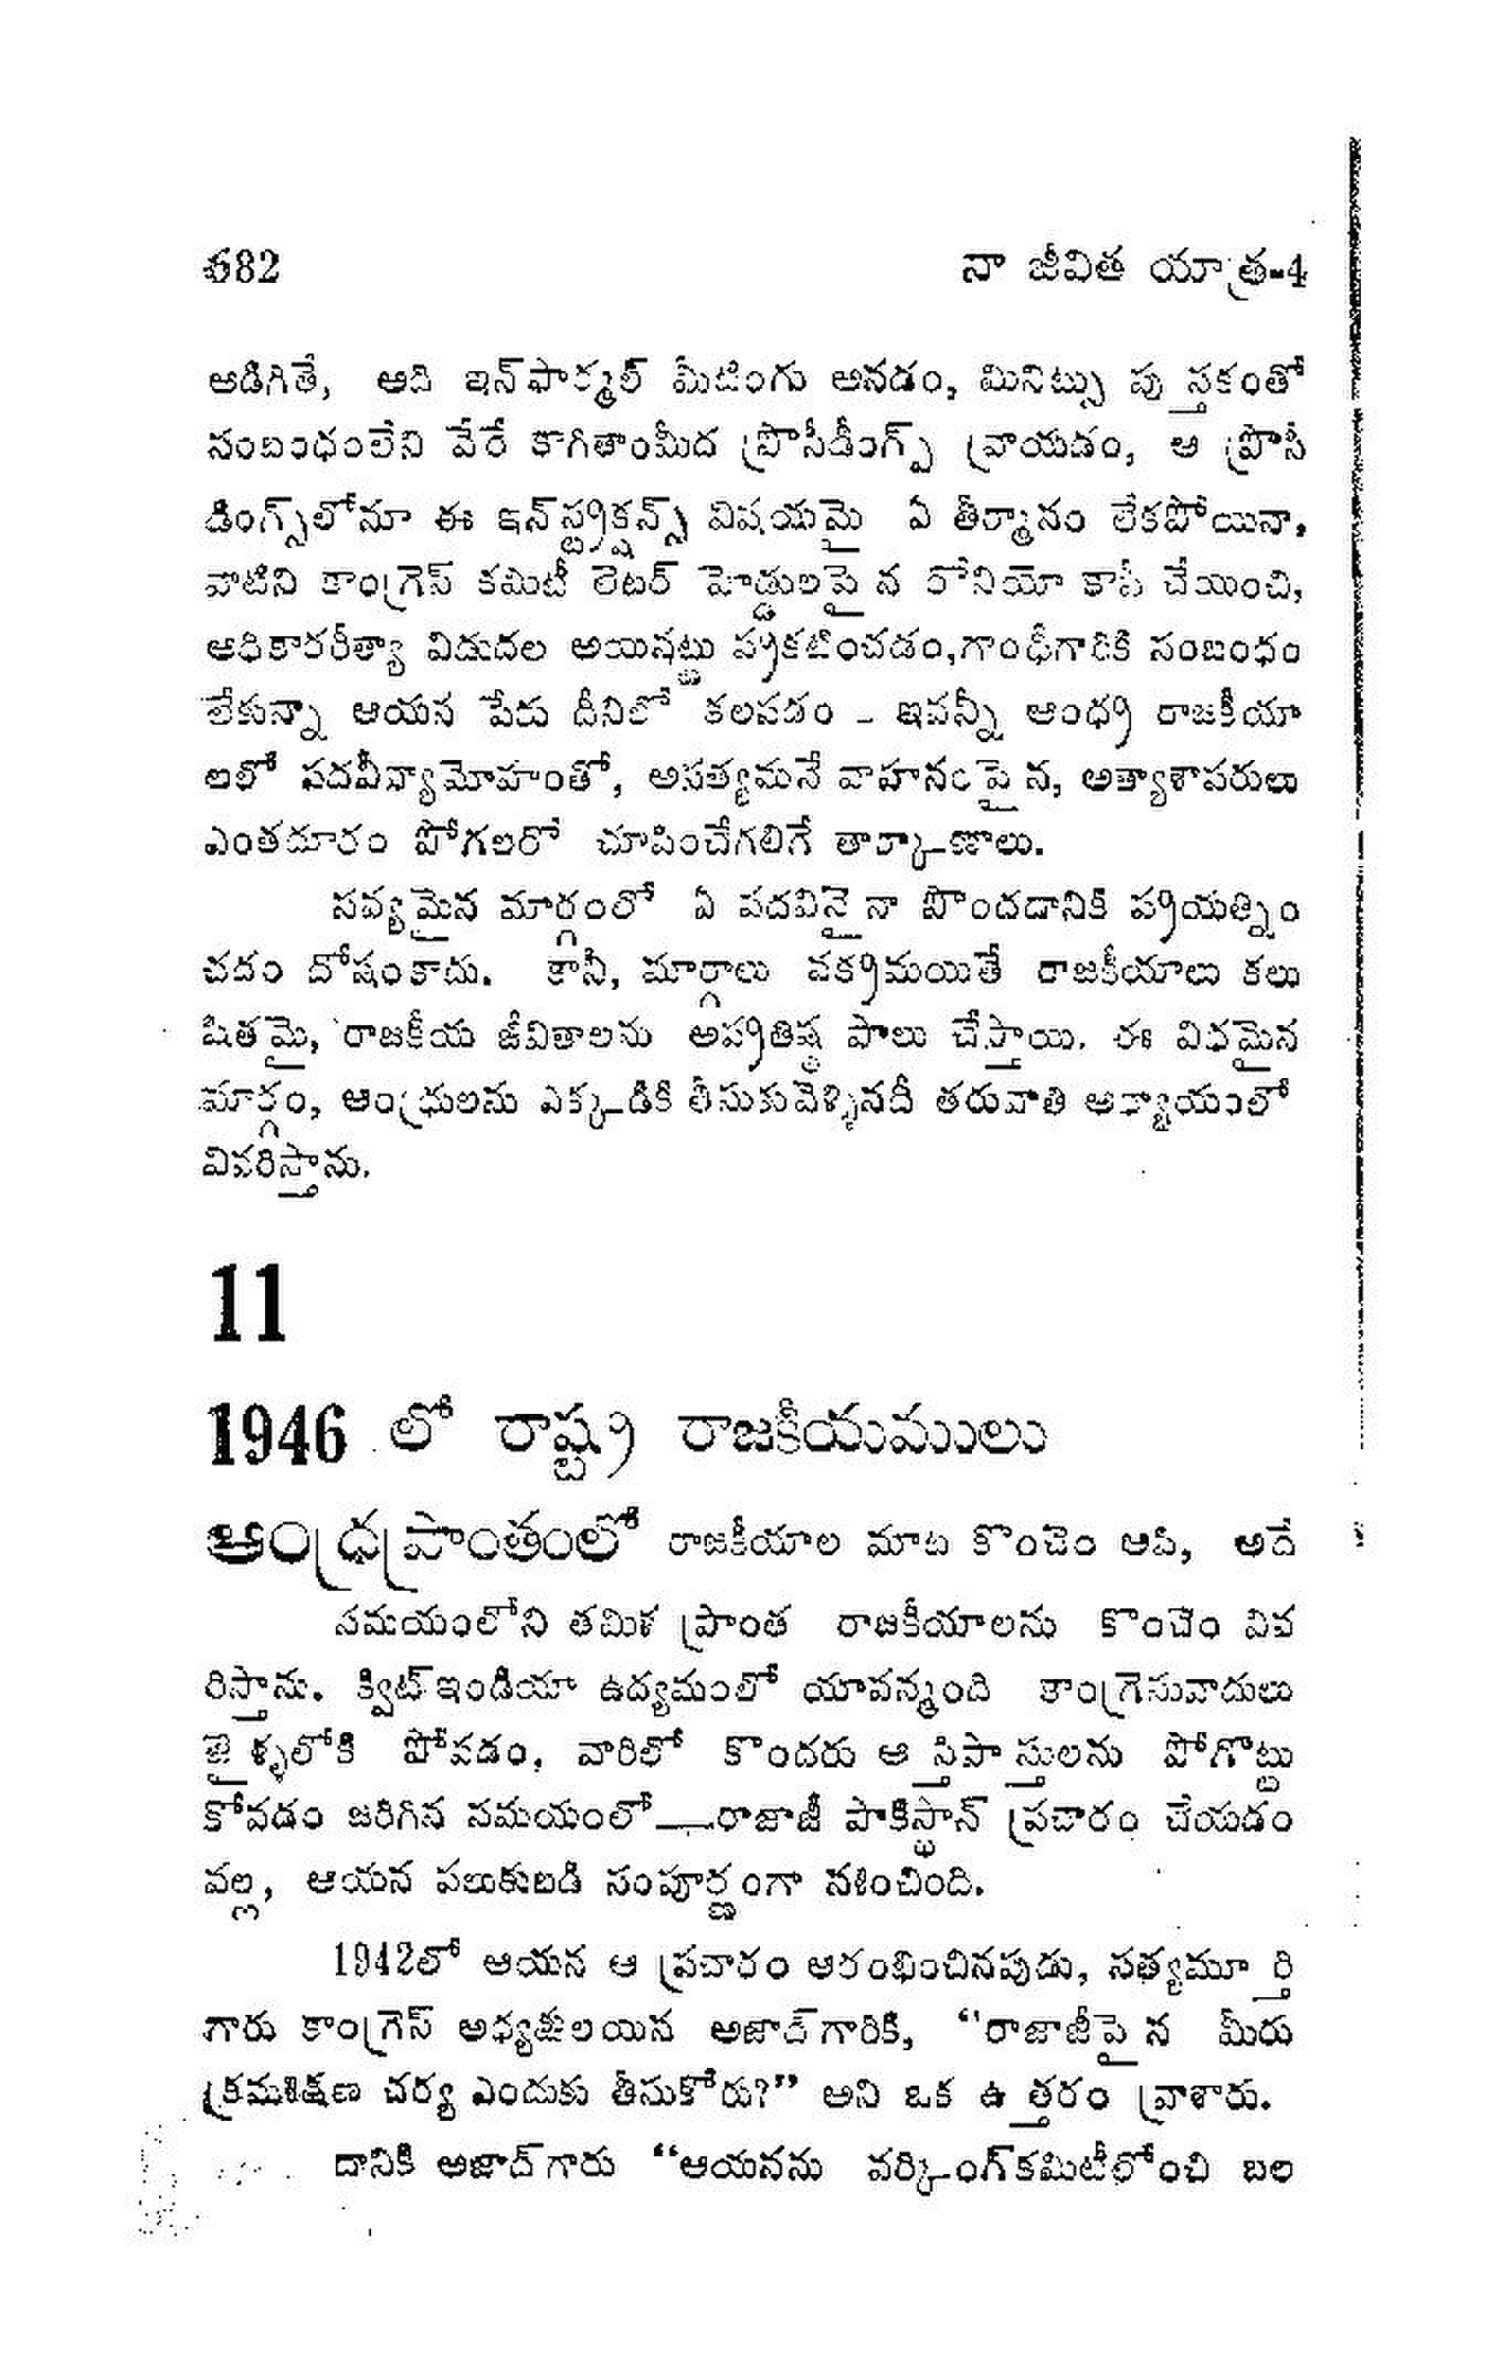అడిగితే, అది ఇన్‌ఫార్మల్ మీటింగు అనడం, మినిట్సు పుస్తకంతో సంబంధంలేని వేరే కాగితంమీద ప్రొసీడీంగ్స్ వ్రాయడం, ఆ ప్రొసీడీంగ్స్‌లోనూ ఈ ఇన్‌స్ట్రక్షన్స్ విషయమై ఏ తీర్మానం లేకపోయినా, వాటిని కాంగ్రెస్ కమిటీ లెటర్ హెడ్డులపైన రోనియో కాఫీ చేయించి, ఆధికారరీత్యా విడుదల అయినట్టు ప్రకటించడం, గాంధీగారికి సంబంధం లేకున్నా ఆయన పేరు దీనిలో కలపడం - ఇవన్నీ ఆంధ్ర రాజకీయాలలో పదవీవ్యామోహంతో, అసత్యమనే వాహనంపైన, అత్యాశాపరులు ఎంతదూరం పోగలరో చూపించేగలిగే తార్కాణాలు.

సవ్యమైన మార్గంలో ఏ పదవినైనా పొందడానికి ప్రయత్నించడం దోషంకాదు. కానీ, మార్గాలు వక్రమయితే రాజకీయాలు కలుషితమై, రాజకీయ జీవితాలను అప్రతిష్ఠ పాలు చేస్తాయి. ఈ విధమైన మార్గం, ఆంధ్రులను ఎక్కడికి తీసుకువెళ్ళినదీ తరువాత అధ్యాయంలో వివరిస్తాను.

ఆంధ్రప్రాంతంలో రాజకీయాల మాట కొంచెం ఆపి, అదే సమయంలోని తమిళ ప్రాంత రాజకీయాలను కొంచెం వివరిస్తాను. క్విట్‌ఇండియా ఉద్యమంలో యావన్మంది కాంగ్రెసు వాదులు జైళ్ళలోకి పోవడం, వారిలో కొందరు ఆస్తిపాస్తులను పోగొట్టుకోవడం జరిగిన సమయంలో - రాజాజీ పాకిస్థాన్ ప్రచారం చేయడంవల్ల, ఆయన పలుకుబడి సంపూర్ణంగా నశించింది.

1942లో ఆయన ఆ ప్రచారం ఆరంభించినపుడు, సత్యమూర్తిగారు కాంగ్రెస్ అధ్యక్షులయిన అజాద్‌గారికి, "రాజాజీపైన మీరు క్రమశిక్షణ చర్య ఎందుకు తీసుకోరు?" అని ఒక ఉత్తరం వ్రాశారు.

దానికి అజాద్‌గారు "ఆయనను వర్కింగ్‌కమిటీలోంచి బల